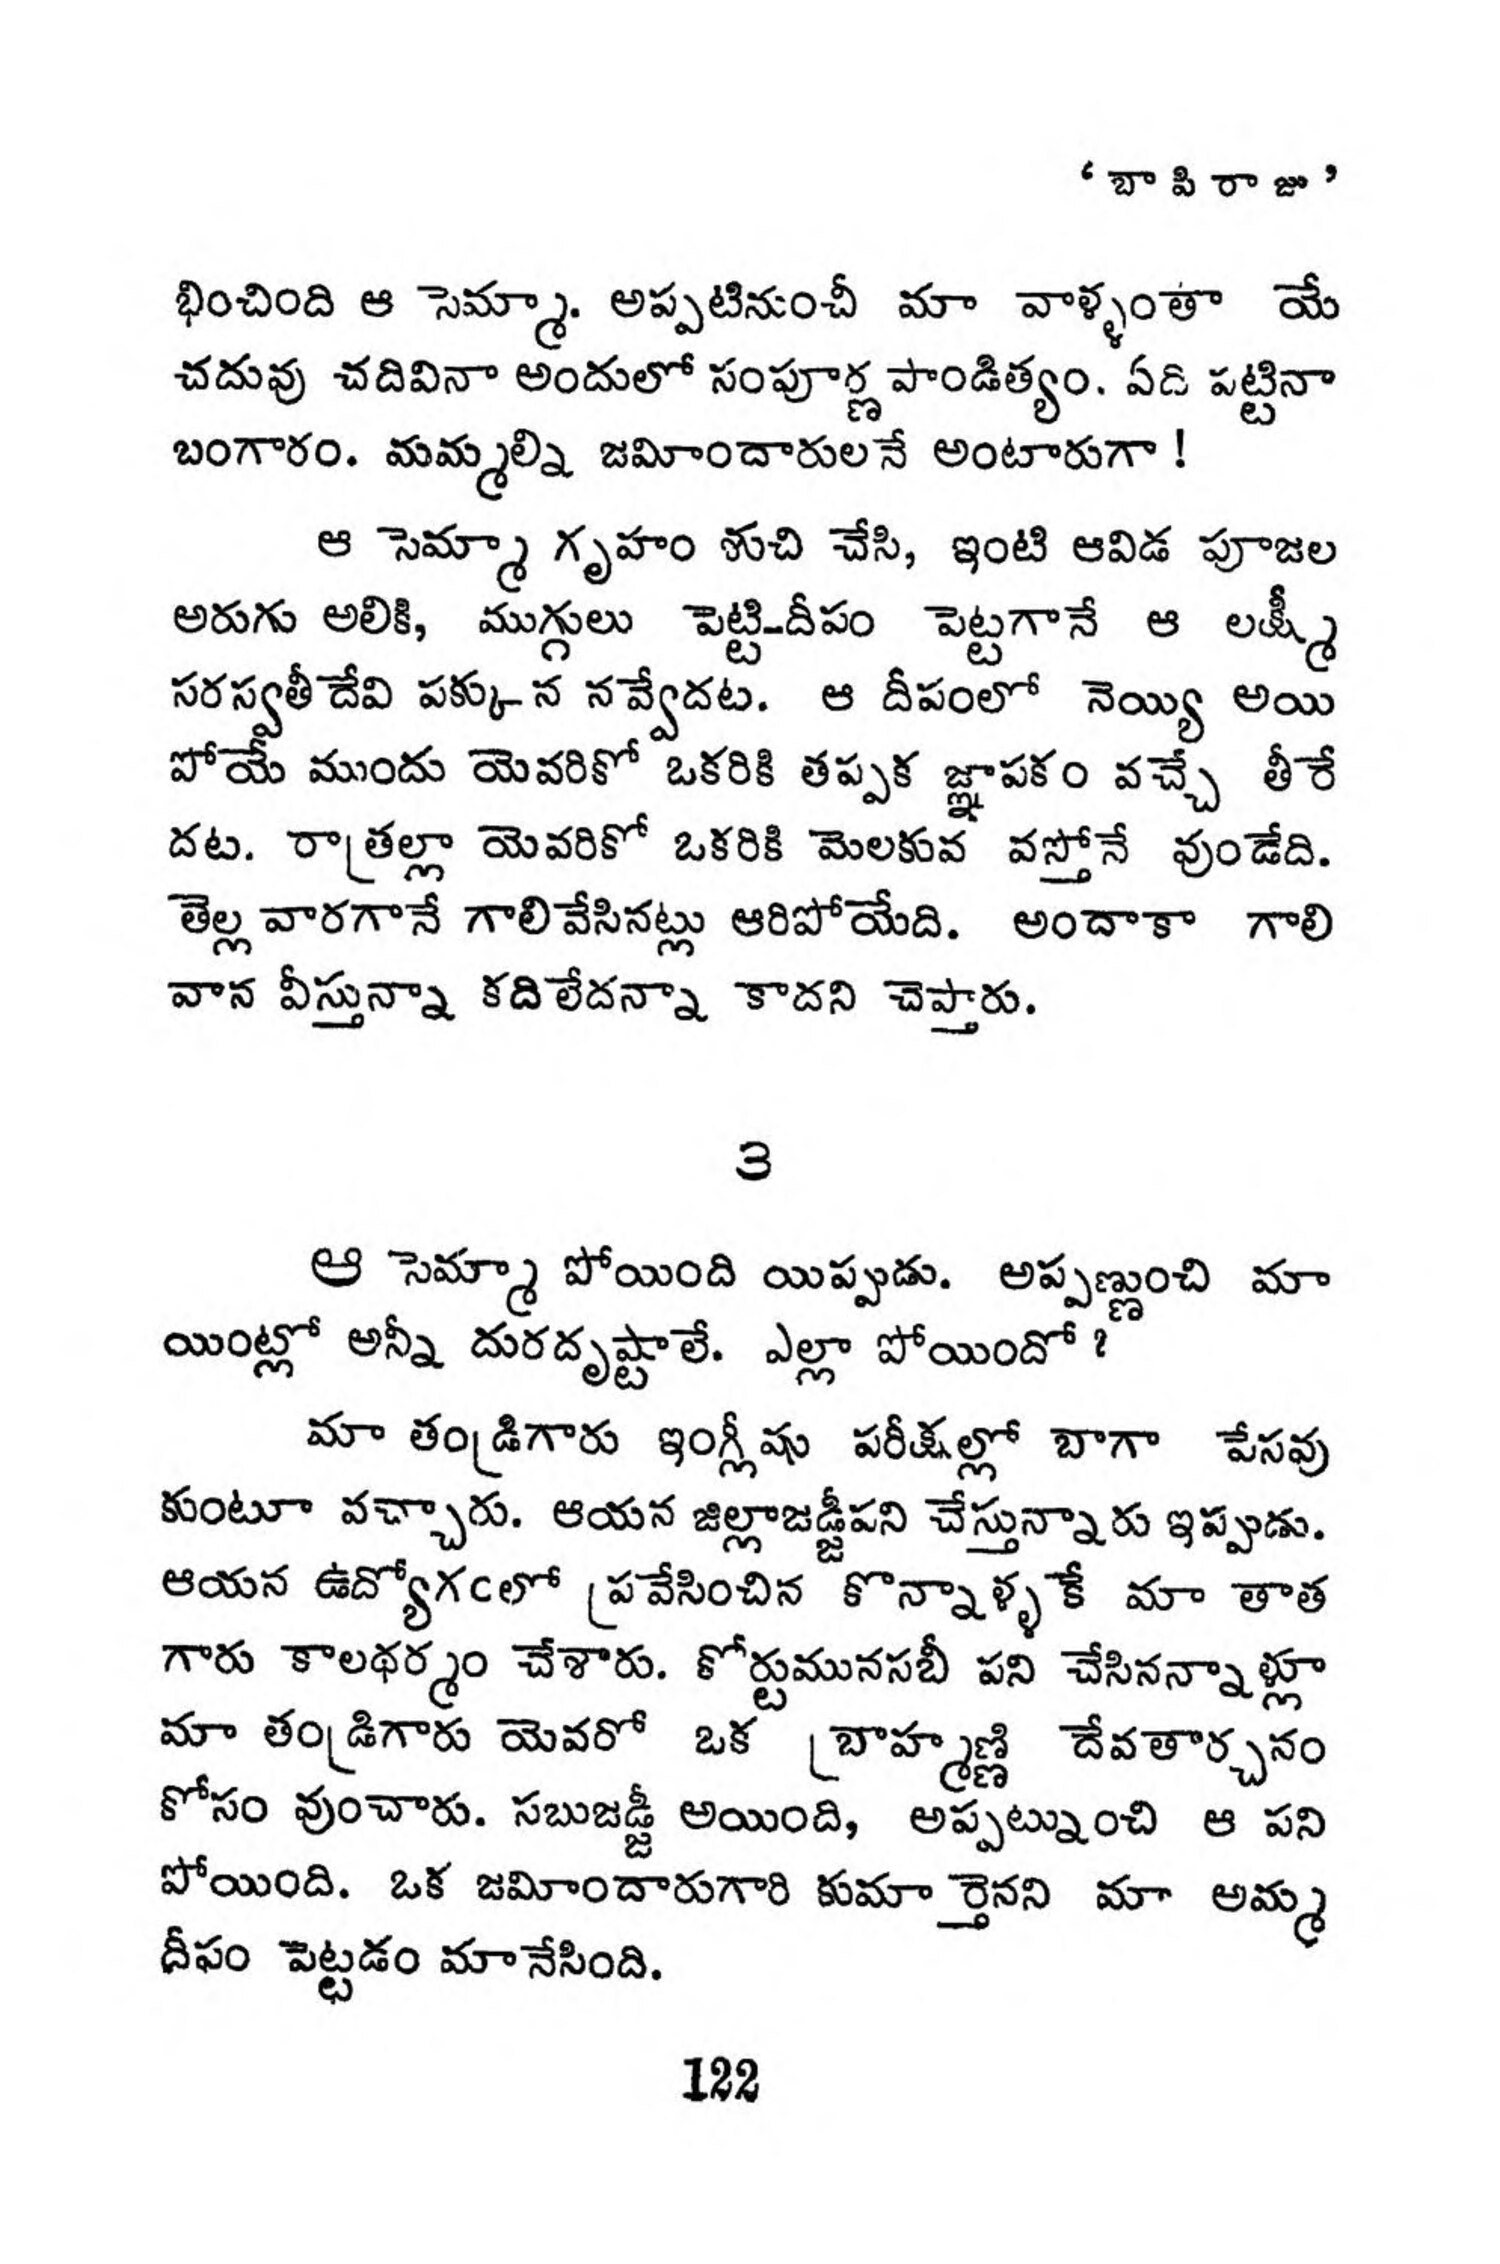భించింది ఆ సెమ్మా. అప్పటినుంచీ మా వాళ్ళంతా యే చదువు చదివినా అందులో సంపూర్ణ పాండిత్యం. ఏది పట్టినా బంగారం. మమ్మల్ని జమీందారులనే అంటారుగా!

ఆ సెమ్మా గృహం శుచి చేసి, ఇంటి ఆవిడ పూజల అరుగు అలికి, ముగ్గులు పెట్టి-దీపం పెట్టగానే ఆ లక్ష్మీ సరస్వతీదేవి పక్కున నవ్వేదట. ఆ దీపంలో నెయ్యి అయిపోయే ముందు యెవరికో ఒకరికి తప్పక జ్ఞాపకం వచ్చే తీరేదట. రాత్రల్లా యెవరికో ఒకరికి మెలకువ వస్తోనే వుండేది. తెల్లవారగానే గాలివేసినట్లు ఆరిపోయేది. అందాకా గాలివాన వీస్తున్నా కదిలేది కాదని చెప్తారు.

3

ఆ సెమ్మా పోయింది యిప్పుడు. అప్పణ్ణుంచి మా యింట్లో అన్నీ దురదృష్టాలే. ఎల్లా పోయిందో?

మా తండ్రిగారు ఇంగ్లీషు పరీక్షల్లో బాగా పేసవు కుంటూ వచ్చారు. ఆయన జిల్లాజడ్జీపని చేస్తున్నారు ఇప్పుడు. ఆయన ఉద్యోగంలో ప్రవేసించిన కొన్నాళ్ళకే మా తాతగారు కాలథర్మం చేశారు. కోర్టుమునసబీ పని చేసినన్నాళ్లూ మా తండ్రిగారు యెవరో ఒక బ్రాహ్మణ్ణి దేవతార్చనం కోసం వుంచారు. సబుజడ్జీ అయింది. అప్పట్నుంచి ఆ పని పోయింది. ఒక జమీందారుగారి కుమార్తెనని మా అమ్మ దీపం పెట్టడం మానేసింది.